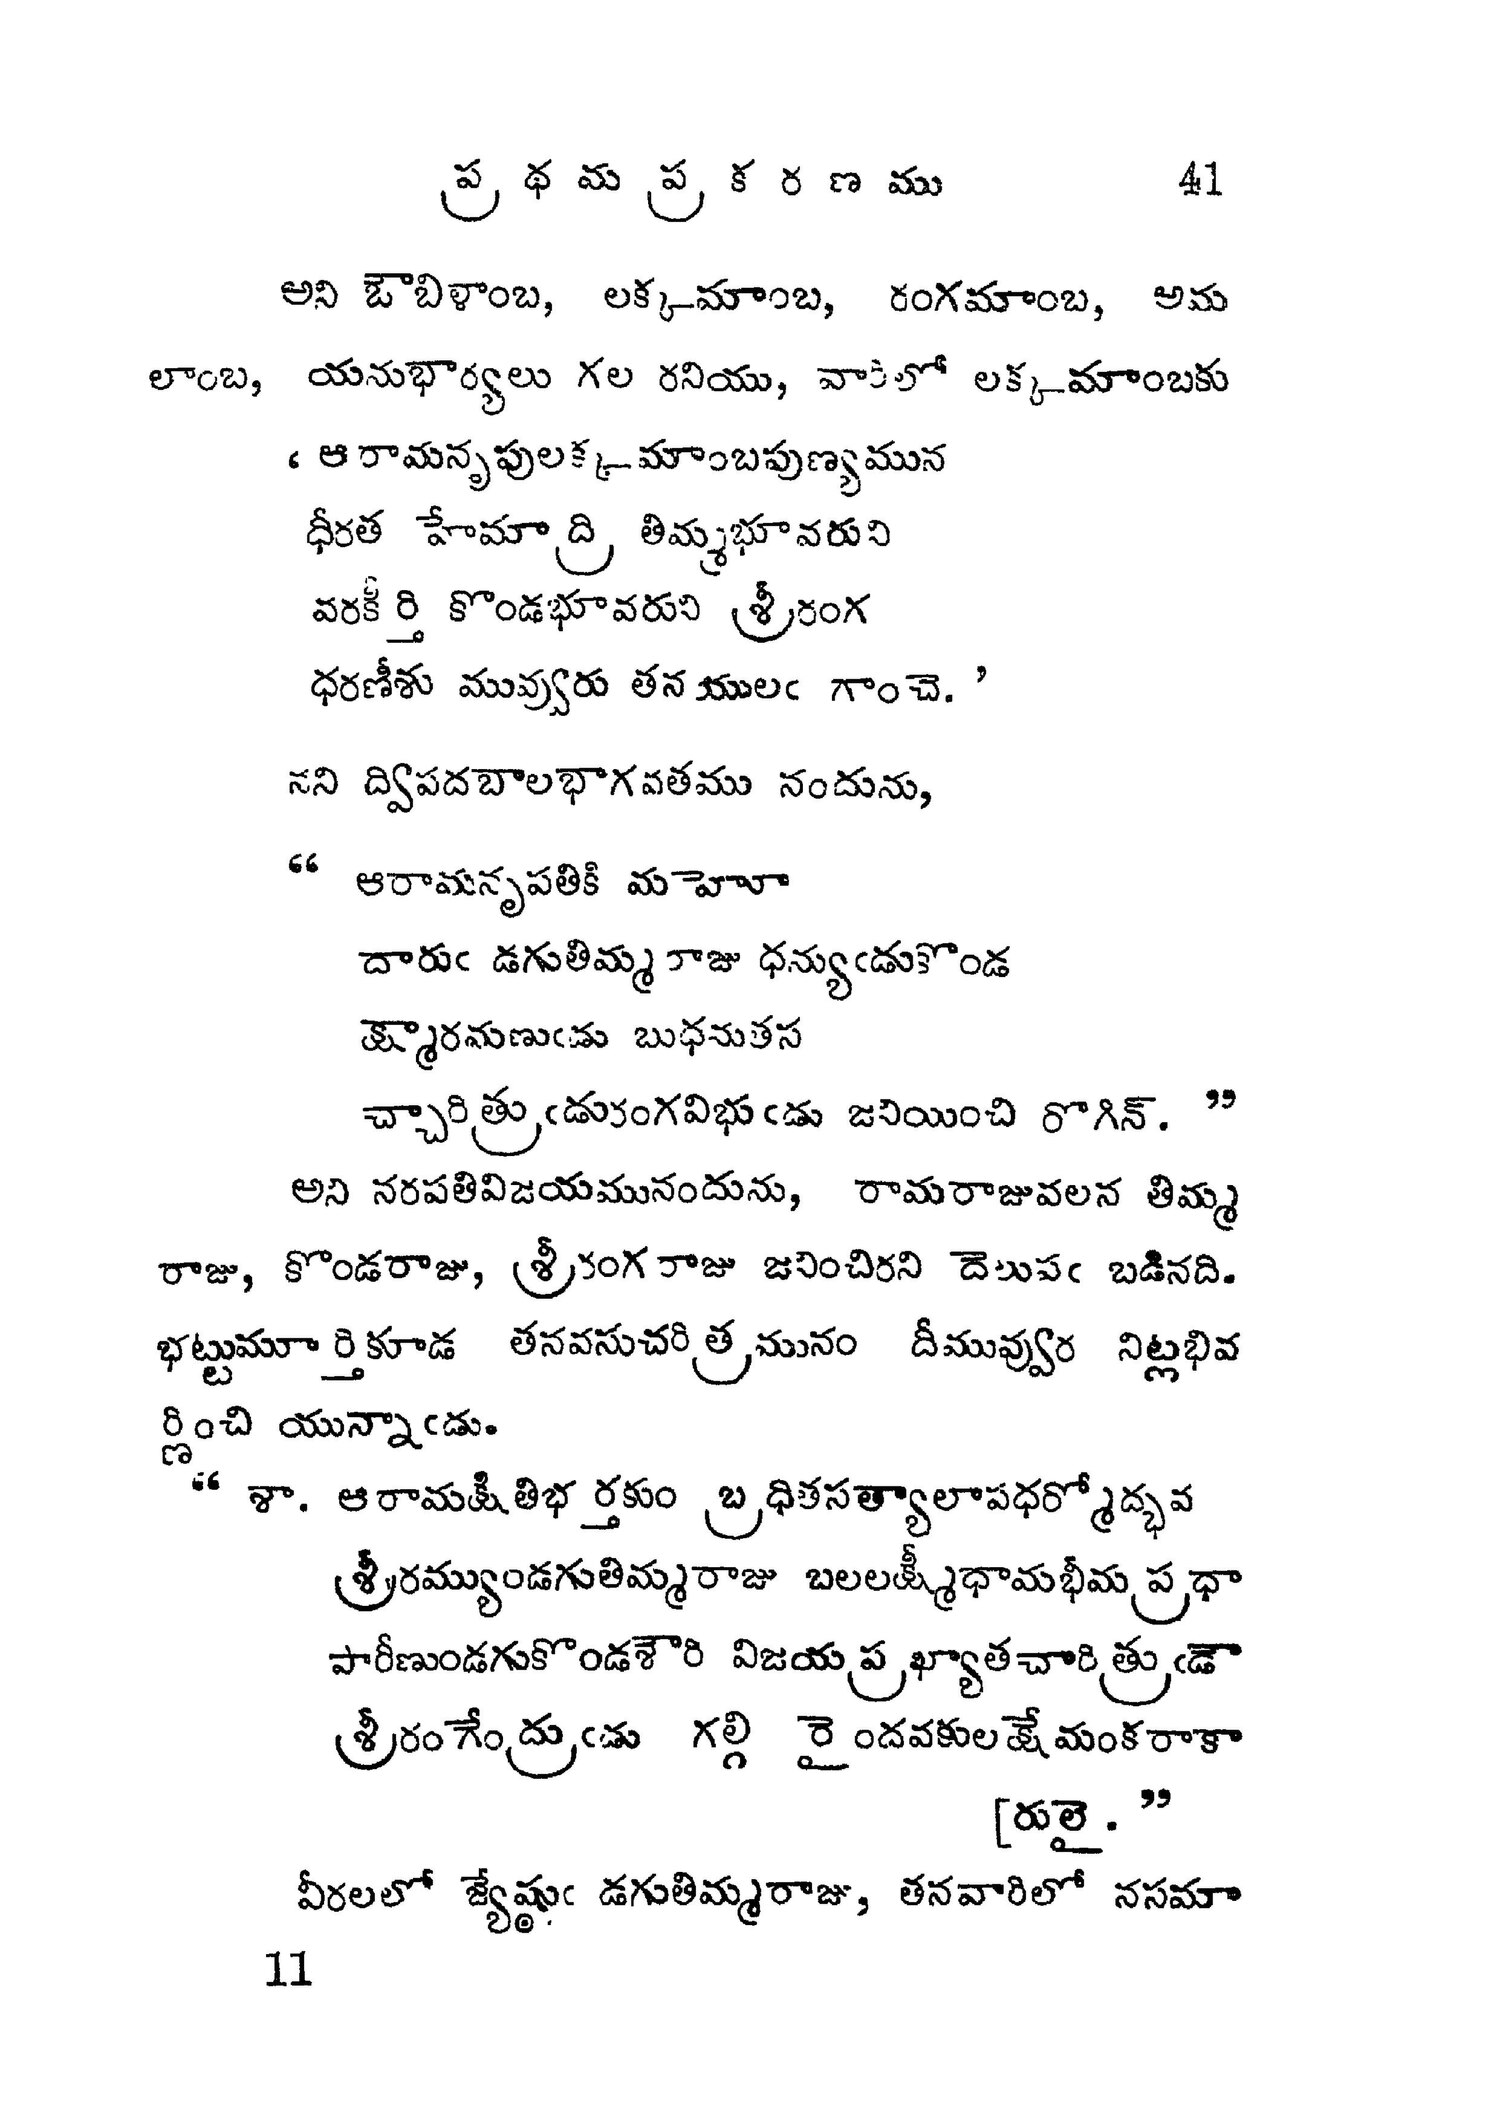అని ఔబిళాంబ, లక్కమాంబ, రంగమాంబ, అమలాంబ, యనుభార్యలు గల రనియు, వారిలో లక్కమాంబకు

 'ఆ రామనృపులక్కమాంబపుణ్యమున
 ధీరత హేమాద్రి తిమ్మభూవరుని 
 వరకీర్తి కొండభూవరుని శ్రీరంగ
 ధరణీశు మువ్వురు తనయుల గాంచె.'

 నని ద్విపదబాలభాగవతము నందును,

 "ఆరామనృపతికి మహో
 దారు డగుతిమ్మరాజు ధన్యుడుకొండ
 క్ష్మారమణుడు బుధసుతస
 చ్చారిత్రుడురంగవిభుడు జనియించి రొగిన్."

అని నరపతివిజయమునందును, రామరాజువలన తిమ్మరాజు, కొండరాజు, శ్రీరంగరాజు జనించిరని దెలుప బడినది. భట్టుమూర్తికూడ తనవసుచరిత్రమునం దీమువ్వుర నిట్లభివర్ణించి యున్నాడు.

 "శా. ఆరామక్షితభర్తకుం బ్రధితసత్యాలాపధర్మోద్భవ
 శ్రీరమ్యుండగుతిమ్మరాజు బలలక్ష్మీధామభీమప్రదా
 పారీణుండగుకొండశౌరి విజయప్రఖ్యాతచారిత్రుడౌ
 శ్రీరంగేంద్రుడు గల్గి రైందవకులుక్షేమంకరాకారులై."

వీరలలో జ్యేష్ఠు డగుతిమ్మరాజు, తనవారిలో నసమా